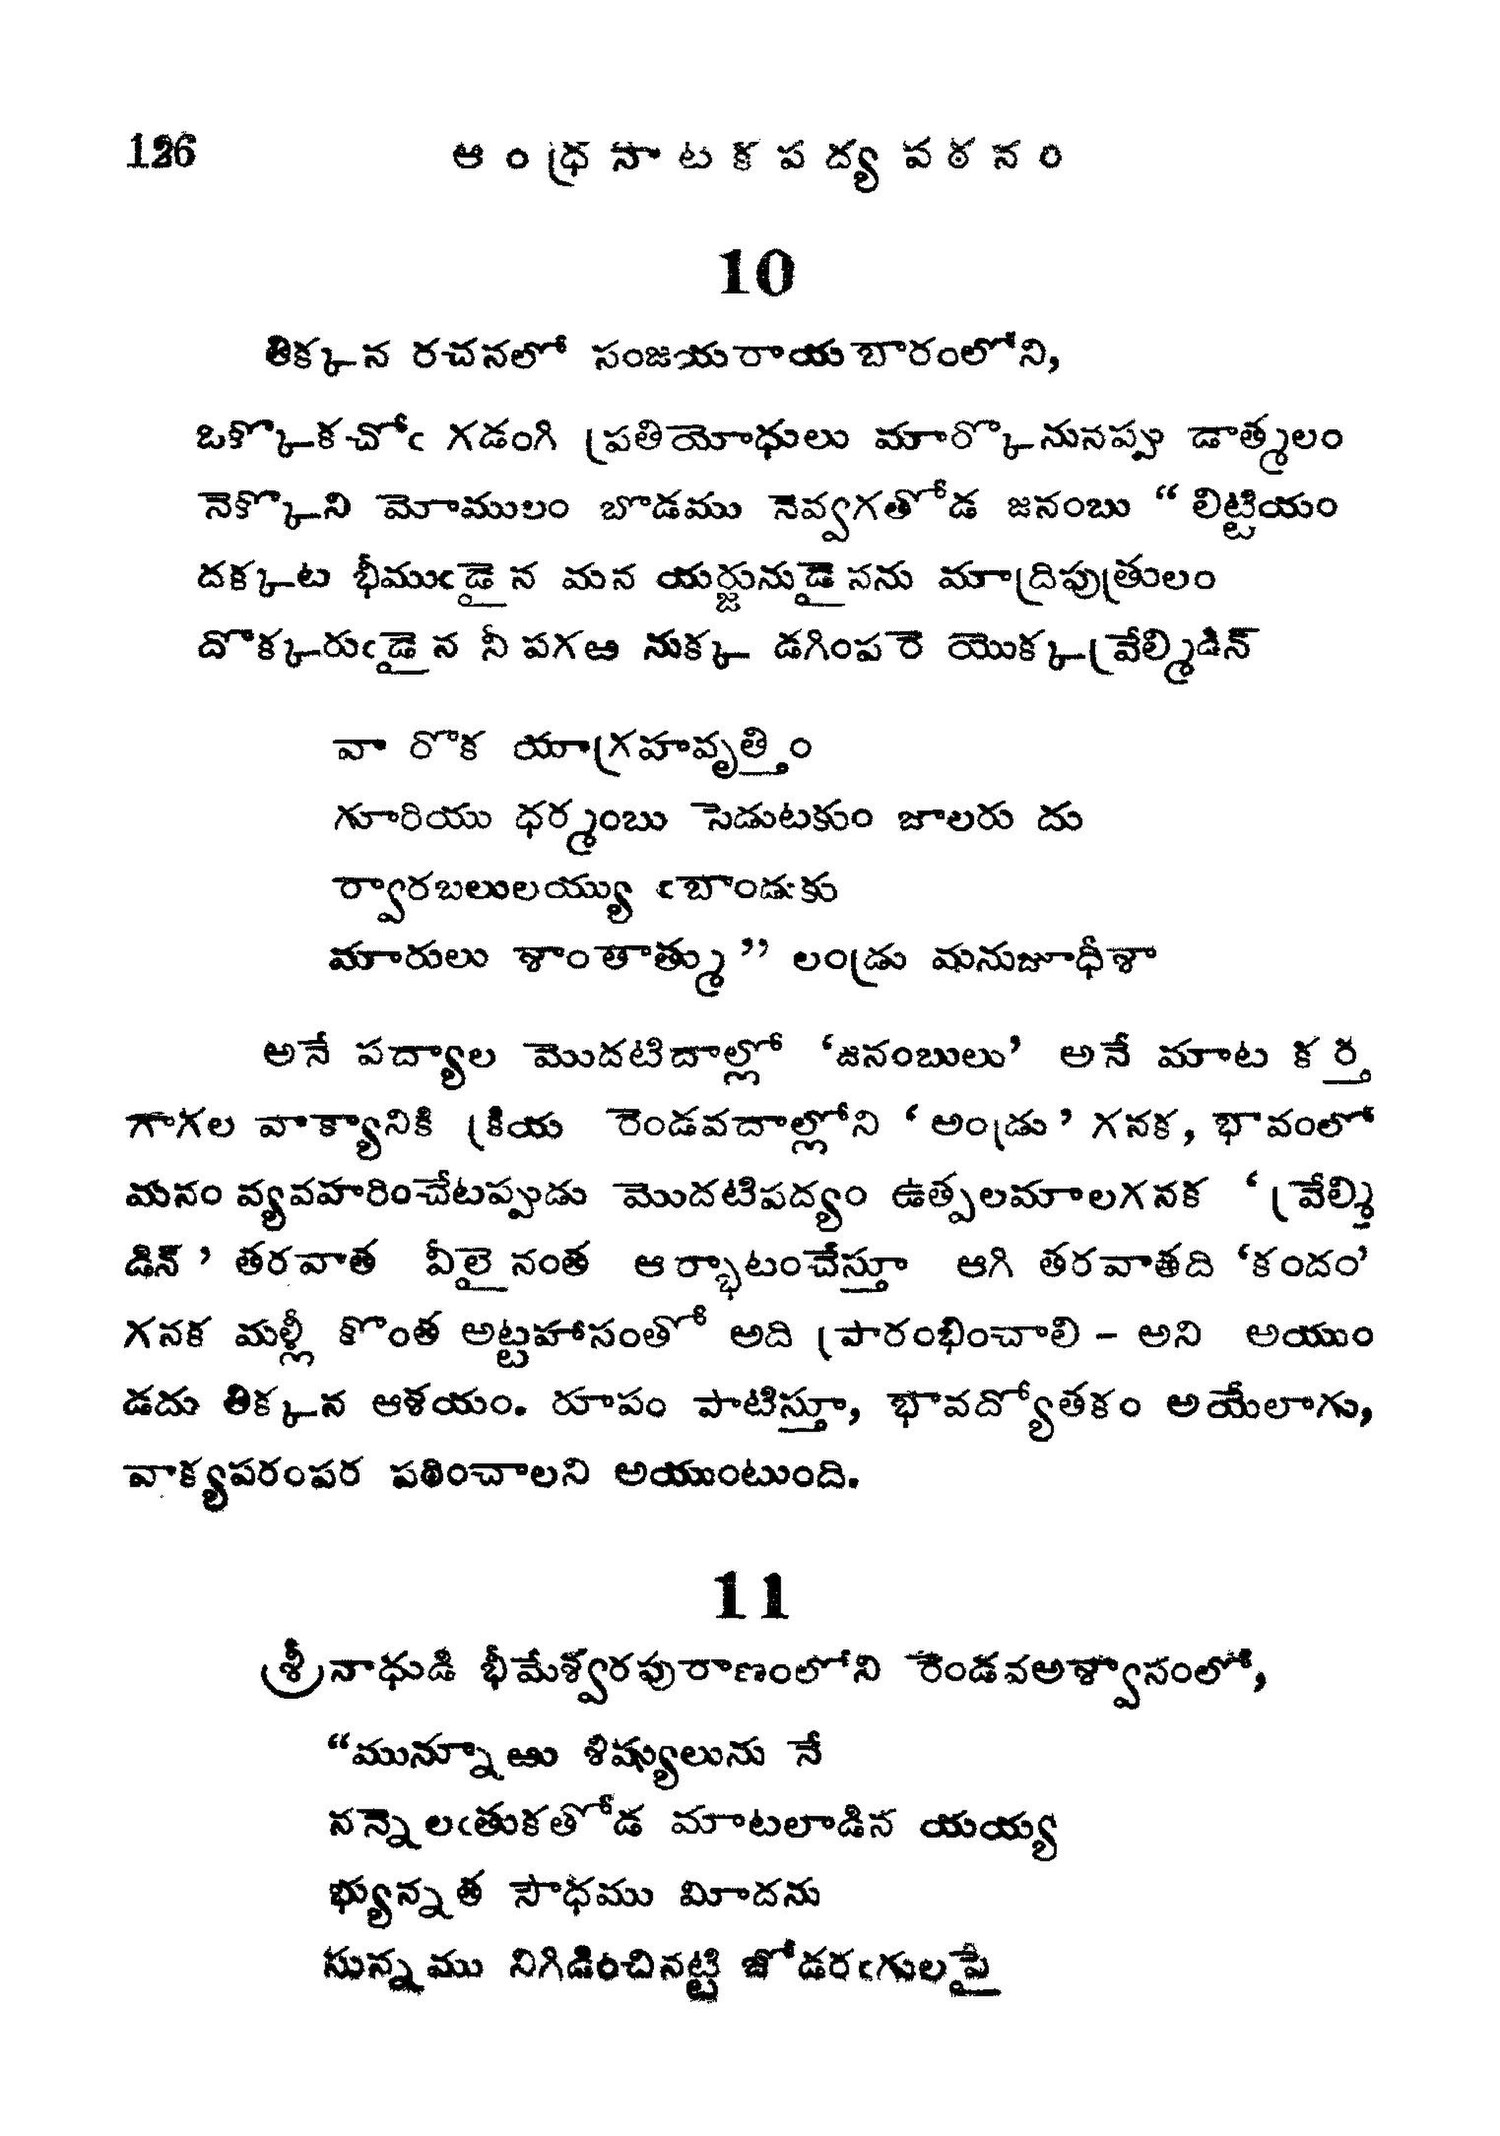10

తిక్కన రచనలో సంజయ రాయబారంలోని,

ఒక్కొకచోఁ గడంగి ప్రతియోధులు మార్కొ నునప్పు డాత్మలం
నెక్కొని మోములం బొడము నెవ్వగతోడ జనంబు " లిట్టియం
దక్కట భీముఁడైన మన యర్జునుడైనను మాద్రిపుత్రులం
దొక్కరుఁడైన నీ పగఱ నుక్క డగింపరె యొక్క వ్రేల్మిడిన్

వా రొక యాగ్రహవృత్తిం
గూరియు ధర్మంబు సెడుటకుం జాలరు దు
ర్వారబలులయ్యుఁ బాండుకు
మారులు శాంతాత్ము " లండ్రు మనుజూధీశా

అనే పద్యాల మొదటిదాల్లో 'జనంబులు' అనే మాట కర్త
గాగల వాక్యానికి క్రియ రెండవదాల్లోని 'అండ్రు' గనక, భావంలో
మనం వ్యవహరించేటప్పుడు మొదటిపద్యం ఉత్పలమాలగనక ' వ్రేల్మి
డిన్ ' తరవాత వీలైనంత ఆర్భాటంచేస్తూ ఆగి తరువాతది 'కందం’
గనక మళ్లీ కొంత అట్టహాసంతో అది ప్రారంభించాలి - అని అయుం
డదు తిక్కన ఆశయం. రూపం పాటిస్తూ, భావద్యోతకం అయేలాగు,
వాక్యపరంపర పఠించాలని అయుంటుంది.

11

శ్రీనాధుడి భీమేశ్వరపురాణంలోని రెండవఅశ్వాసంలో,

“మున్నూఱు శిష్యులును నే
నన్నెలఁతుకతోడ మాటలాడిన యయ్య
భ్యున్నత సౌధము మీదను
సున్నము నిగిడించినట్టి జోడరఁగులపై